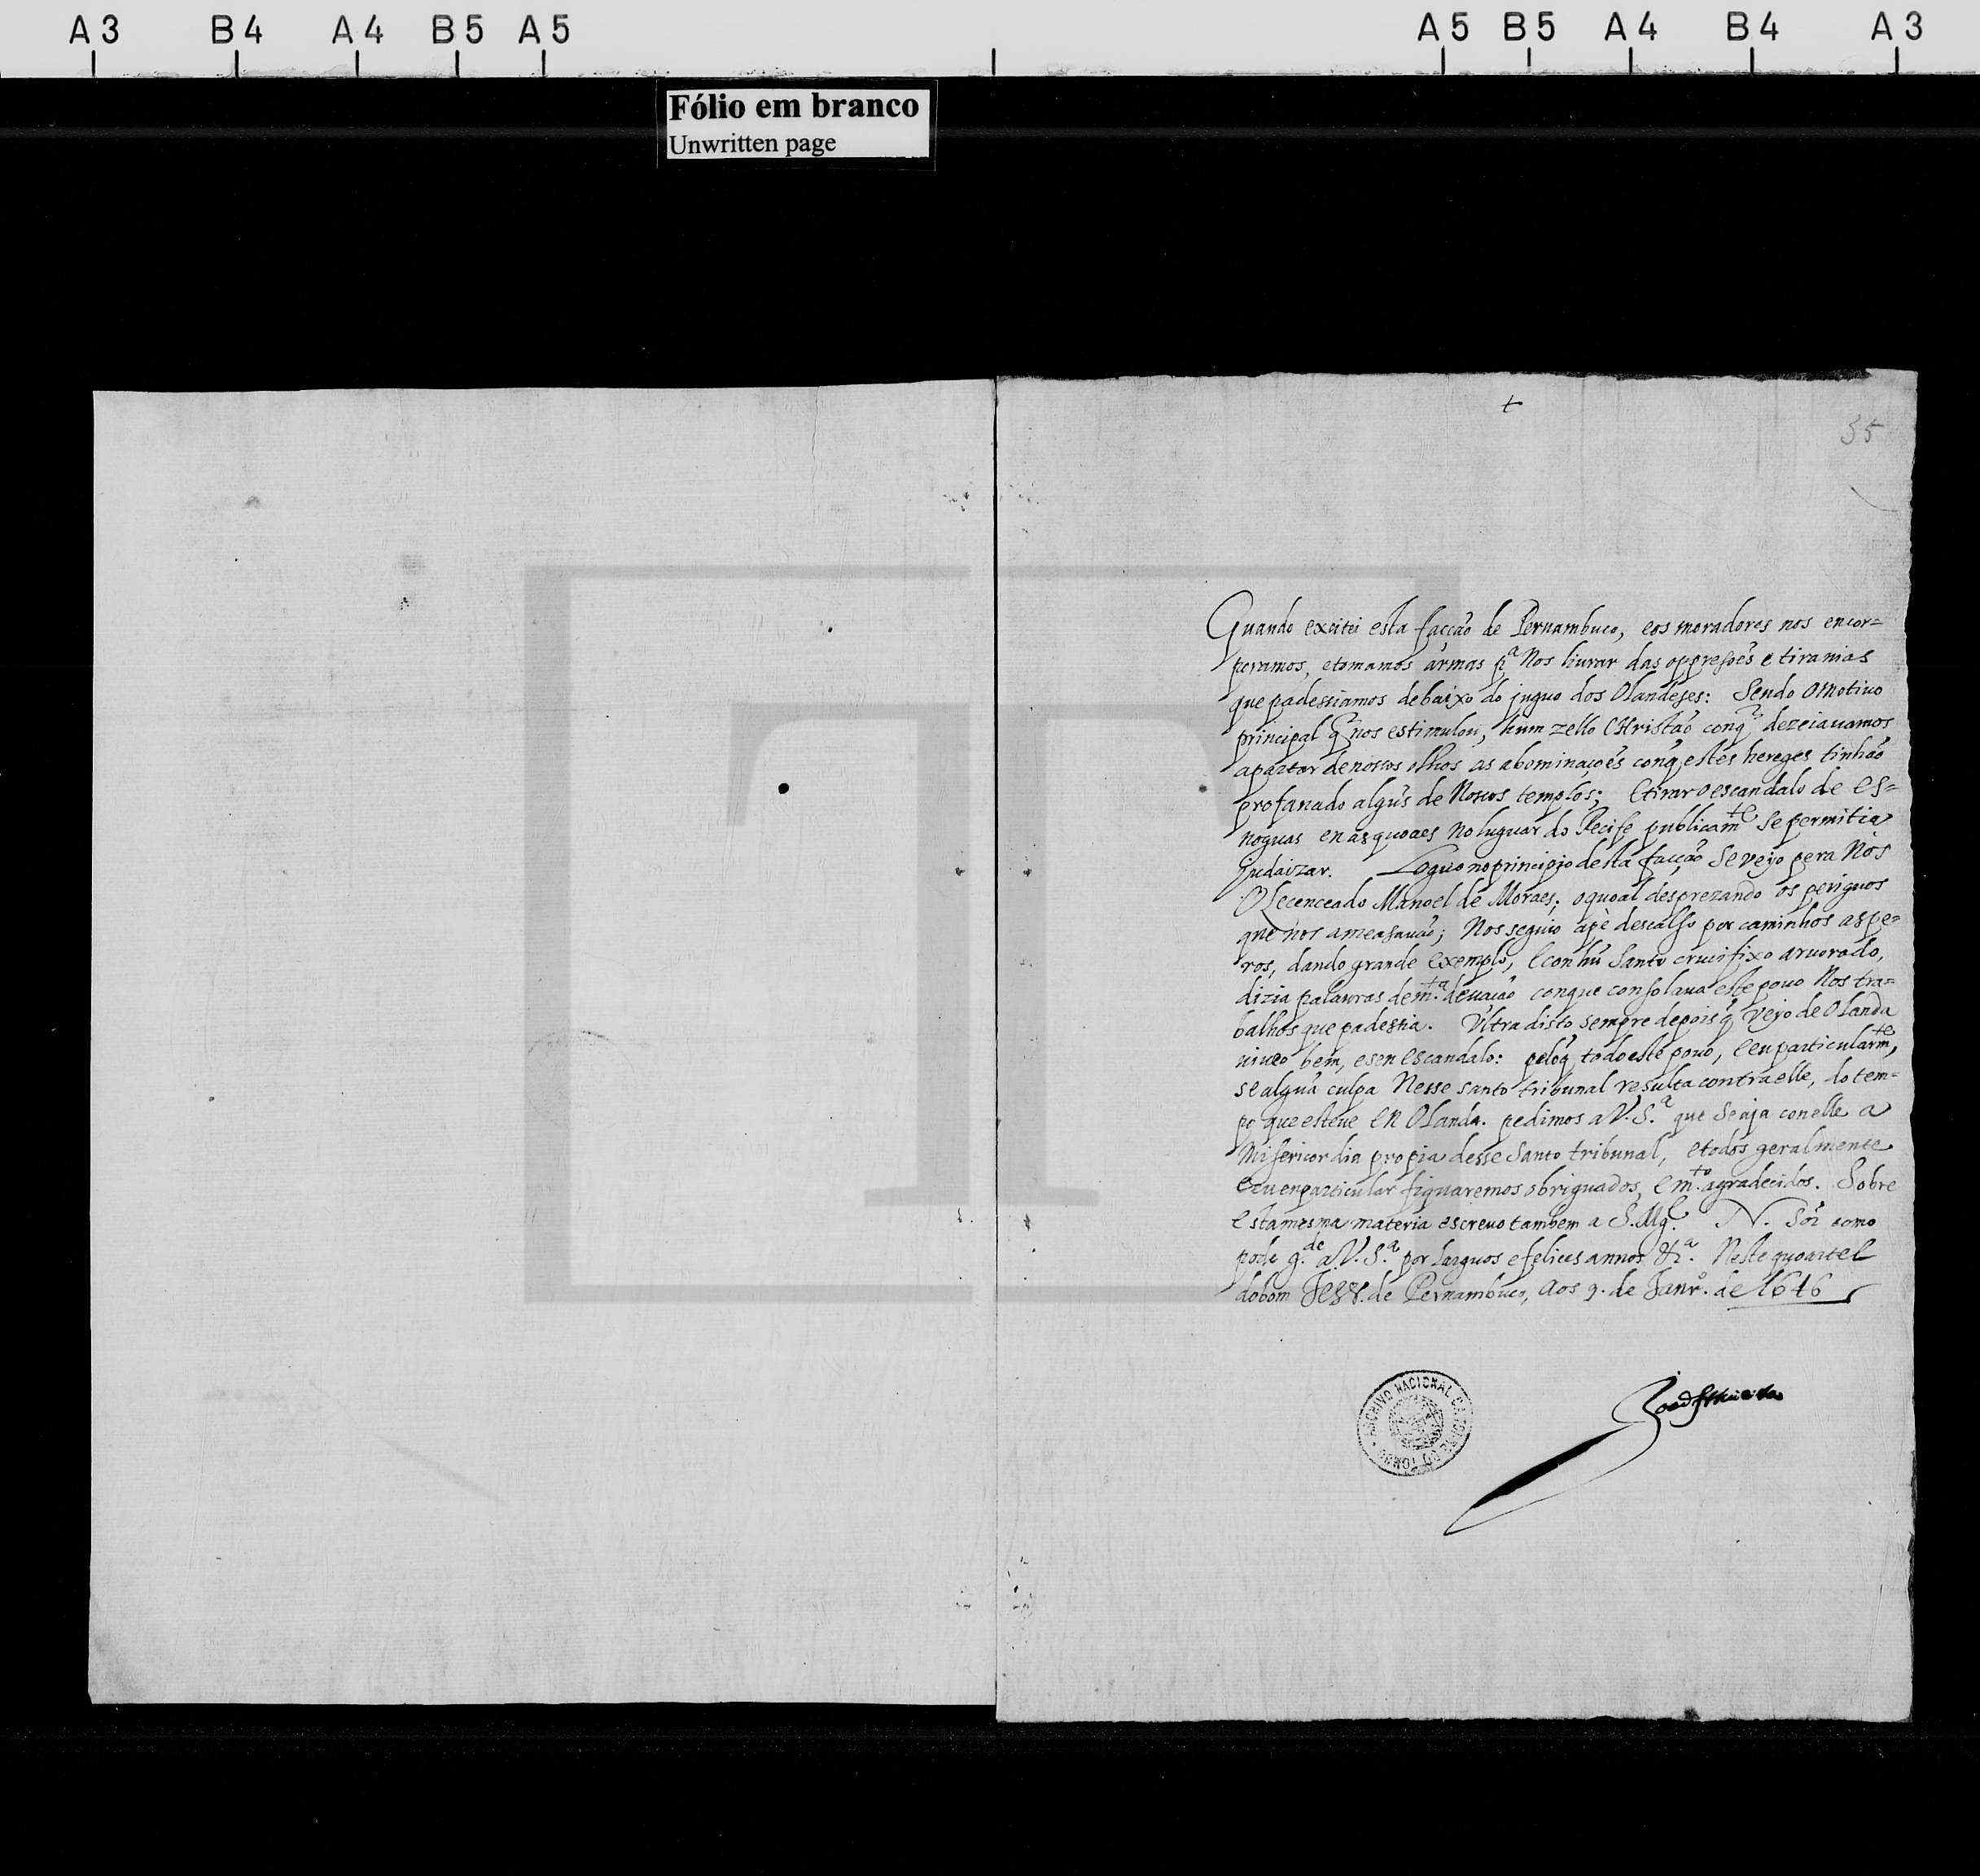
Quando excitei esta facçaõ de Pernambuco, e os moradores nos encor
poramos, e tomamos armas p.a nos liurar das oppresoẽs, e tiranias
que padessiamos debaixo do juguo dos Olandeses: Sendo o motiuo
principal q̄ nos estimulou, hum zello CHristão con q̄ dezeiauamos
apartar de nossos olhos as abominaçoẽs con q̄ estes hereges tinhaõ
profanado algūs de Nossos templos; E tirar o escandalo de Es
noguas en as quoaes no luguar do Recife publicamte se permitia
judaizar. Loguo no principio desta facçaõ se veio pera nos
O Lecenceado Manoel de Moraes; o quoal desprezando os periguos
que nos ameasauaõ; nos seguio a pè descalso por caminhos aspe
ros, dando grande exemplo, E con hū Santo crucifixo aruorado,
dizia palauras de m.ta deuação, con que consolaua este pouo Nos tra
balhos que padessia. Vltra disto sempre depois q̄ veyo de Olanda
uiueo bem, e sen escandalo: pelo q̄ todo este pouo, e eu particularmte,
se alguā culpa Nesse santo tribunal resulta contra elle, do tem
po que esteue en Olanda. pedimos a V. S.a que se aja con elle a
misericordia propia desse Santo tribunal, e todos geralmente
e eu en particular fiquaremos obriguados, e m.to agradecidos. Sobre
esta mesma materia escreuo tambem a S. Mg.e N. Sor̄ como
pode g.de a V. S.a por larguos e felices annos &a. Neste quartel
do bom Jesv de Pernambuco, aos 9. de Janr.o de 1646
Joaõ frs uieira
